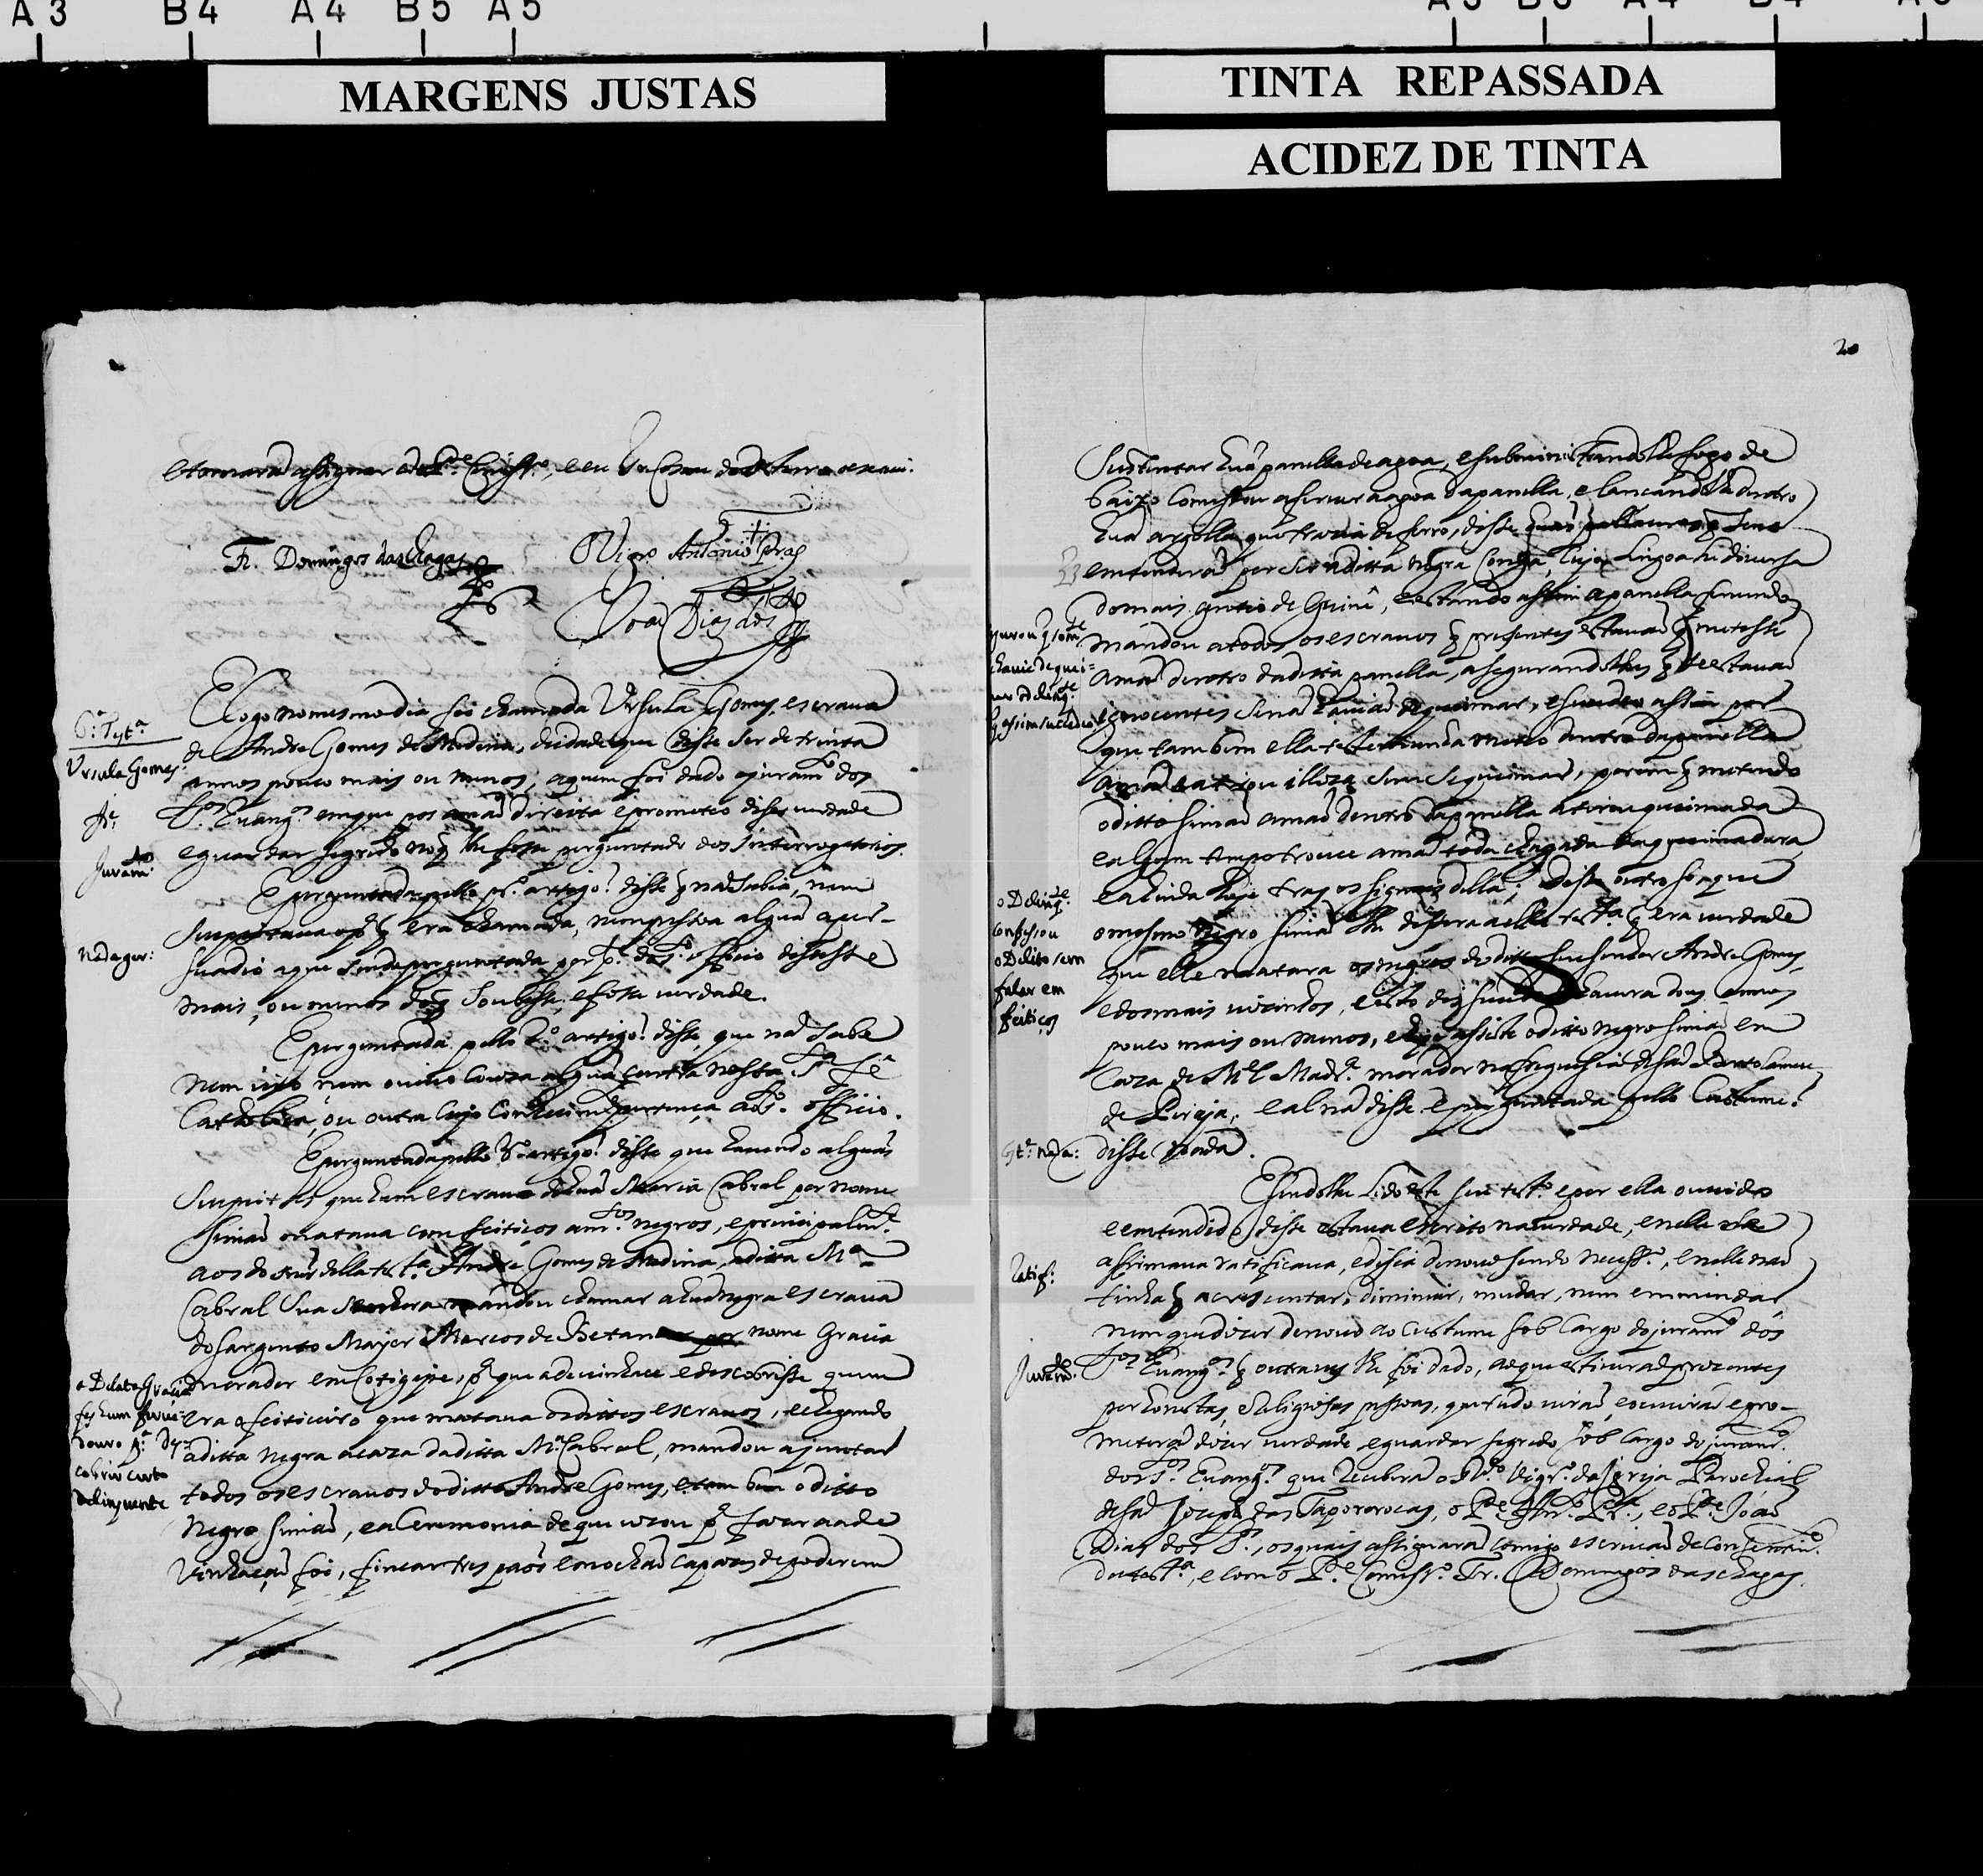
e tornarā assignar e do P.e Comissr.o, e eu Fr. Cosme do Desterro o escreui.
O Vigr.o Antonio Pr.a
Fr. Domingos das chagas
Ioaõ Dias do sto
E logo no mesmo dia foi chamada Vrsula Gomes, escraua
6:a Testa.
de Andre Gomes de Medina, de idade que disse ser de trinta
Vrsula Gomes
annos pouco mais ou menos; a quem foi dado o juramto dos
S.tos Euang.os em que pos a maõ direita e prometeo diser uerdade
Jde:
e guardar segredo no q̄ lhe fosse perguntado dos Interrogatorios.
Juram.to
E perguntada pello pr.o artigo? disse q̄ naõ sabia, nem
suspeitaua o pa q̄ era chamada, nem pessoa alguā a per
nada ger:
suadio a que sendo perguntada por p.te do st.o officio dissesse
mais, ou menos do q̄ soubesse, e fosse uerdade.
E perguntada pello 2.o artigo? disse, que naõ sabe
nem ujo nem ouuio couza alguā contra nossa Sta fê
Catholica, ou outra cujo conhecimto pertença ao s.to officio.
E perguntada pello 3.o artigo? disse que hauendo alguās
Suspeitas que hum escrauo de huā Maria Cabral por nome
Simaõ mataua com feitiços a mto.s negros, e principalmt.e
aos do snor̄ della test.a Andre Gomes de Medina, a ditta M.a
Cabral Sua senhora mandou chamar a huā negra escraua
do Sargento Mayor Marcos de Betancor por nome Gracia
a Delata Gracia
morador em Cotigipe, pa que adeuinhace e descobrisse quem
fes hum ferue
era o feiticeiro que mataua os dittos escrauos, e chegando
douro p:a des
a ditta negra a caza da ditta M.a Cabral, mandou ajuntar
cobrio certo
todos os escrauos do ditto Andre Gomes, e tambem o ditto
delinquente
negro simaõ, e a Ceremonia de que uzou pa fazer a ade
vinhaçaõ foi, fincar tres paōs em o chaõ capazes de poderem
Sustentar huā panella de agoa, e subministrandolhe fogo de
baixo comessou a feruer a agoa da panella, e lançandolhe dentro
huā argolla que trazia de ferro, disse huas̄ pallauras q̄ se nā
emtenderaõ por ser a ditta negra Conga, cuja Lingoa he diuersa
do mais gentio de Guinê, e estando assim a panella feruendo
jurou q̄ somte
mandou a todos os escrauos q̄ presentes estauaõ metessē
hauia de quei
a maõ dentro da ditta panella, asegurandolhes q̄ se estauaõ
o delinq.te
q̄ assim succedeo
ignocentes se naõ hauiaõ de queimar, e sucedeo assim por
que tambem ella testemunha meteo dentro da panella
a mā e a tirou illeza sem se queimar, porem q̄ metendo
o ditto simaõ a maõ dentro da panella a tirou queimada
e algum tempo trouce a maõ toda chagada da queimadura,
e ahinda hoje tras os signais della; disse outrosi que
o Delinqte.
o mesmo negro simā lhe dissera a elle test.a q̄ era uerdade
confessou
o Delito sem
que elle matara os negros do ditto seu senhor Andre Gomes,
falar em
e dos mais uizinhos, e isto dis sucedeo hauera dous annos
feitiços
pouco mais ou menos, e hoje assiste o ditto negro simaõ em
Caza de Mel Madr.a morador na freguesia de saõ Bartolameu
de Peraja, e al nā disse e perguntada pello Custume?
disse nada.
Coste: nada:
E sendolhe lido este seu test.o e por ella ouuido
e emtendido disse estaua escrito na uerdade, e nelle se
affirmaua ratificaua, e disia de nouo sendo necess.o, e nelle naõ
Ratif:
tinha q̄ acrescentar, diminuir, mudar, nem emmendar,
nem que dizer de nouo ao custume sob cargo do juramto dos
Juramto.
Stos. Euang.os q̄ outra ues lhe foi dado, ao que estiueraõ prezentes
por honestas, e Religiosas pessoas, que tudo uiraõ, e ouuiraõ e pro
meteraõ dizer uerdade e guardar segredo sob cargo do juramto.
dos s.tos Euang.os que Receberā o R.do Vigr.o da Jgreja Parochial
de Saõ Jozeph das Tapororocas, o P.e An.to Pr.a, e o P.e Joaõ
Dias dos S.tos, os quais assignaraõ comigo escriuaõ de consentim.to
da test.a, e com o P.e Comisr.o Fr. Domingos das chagas
